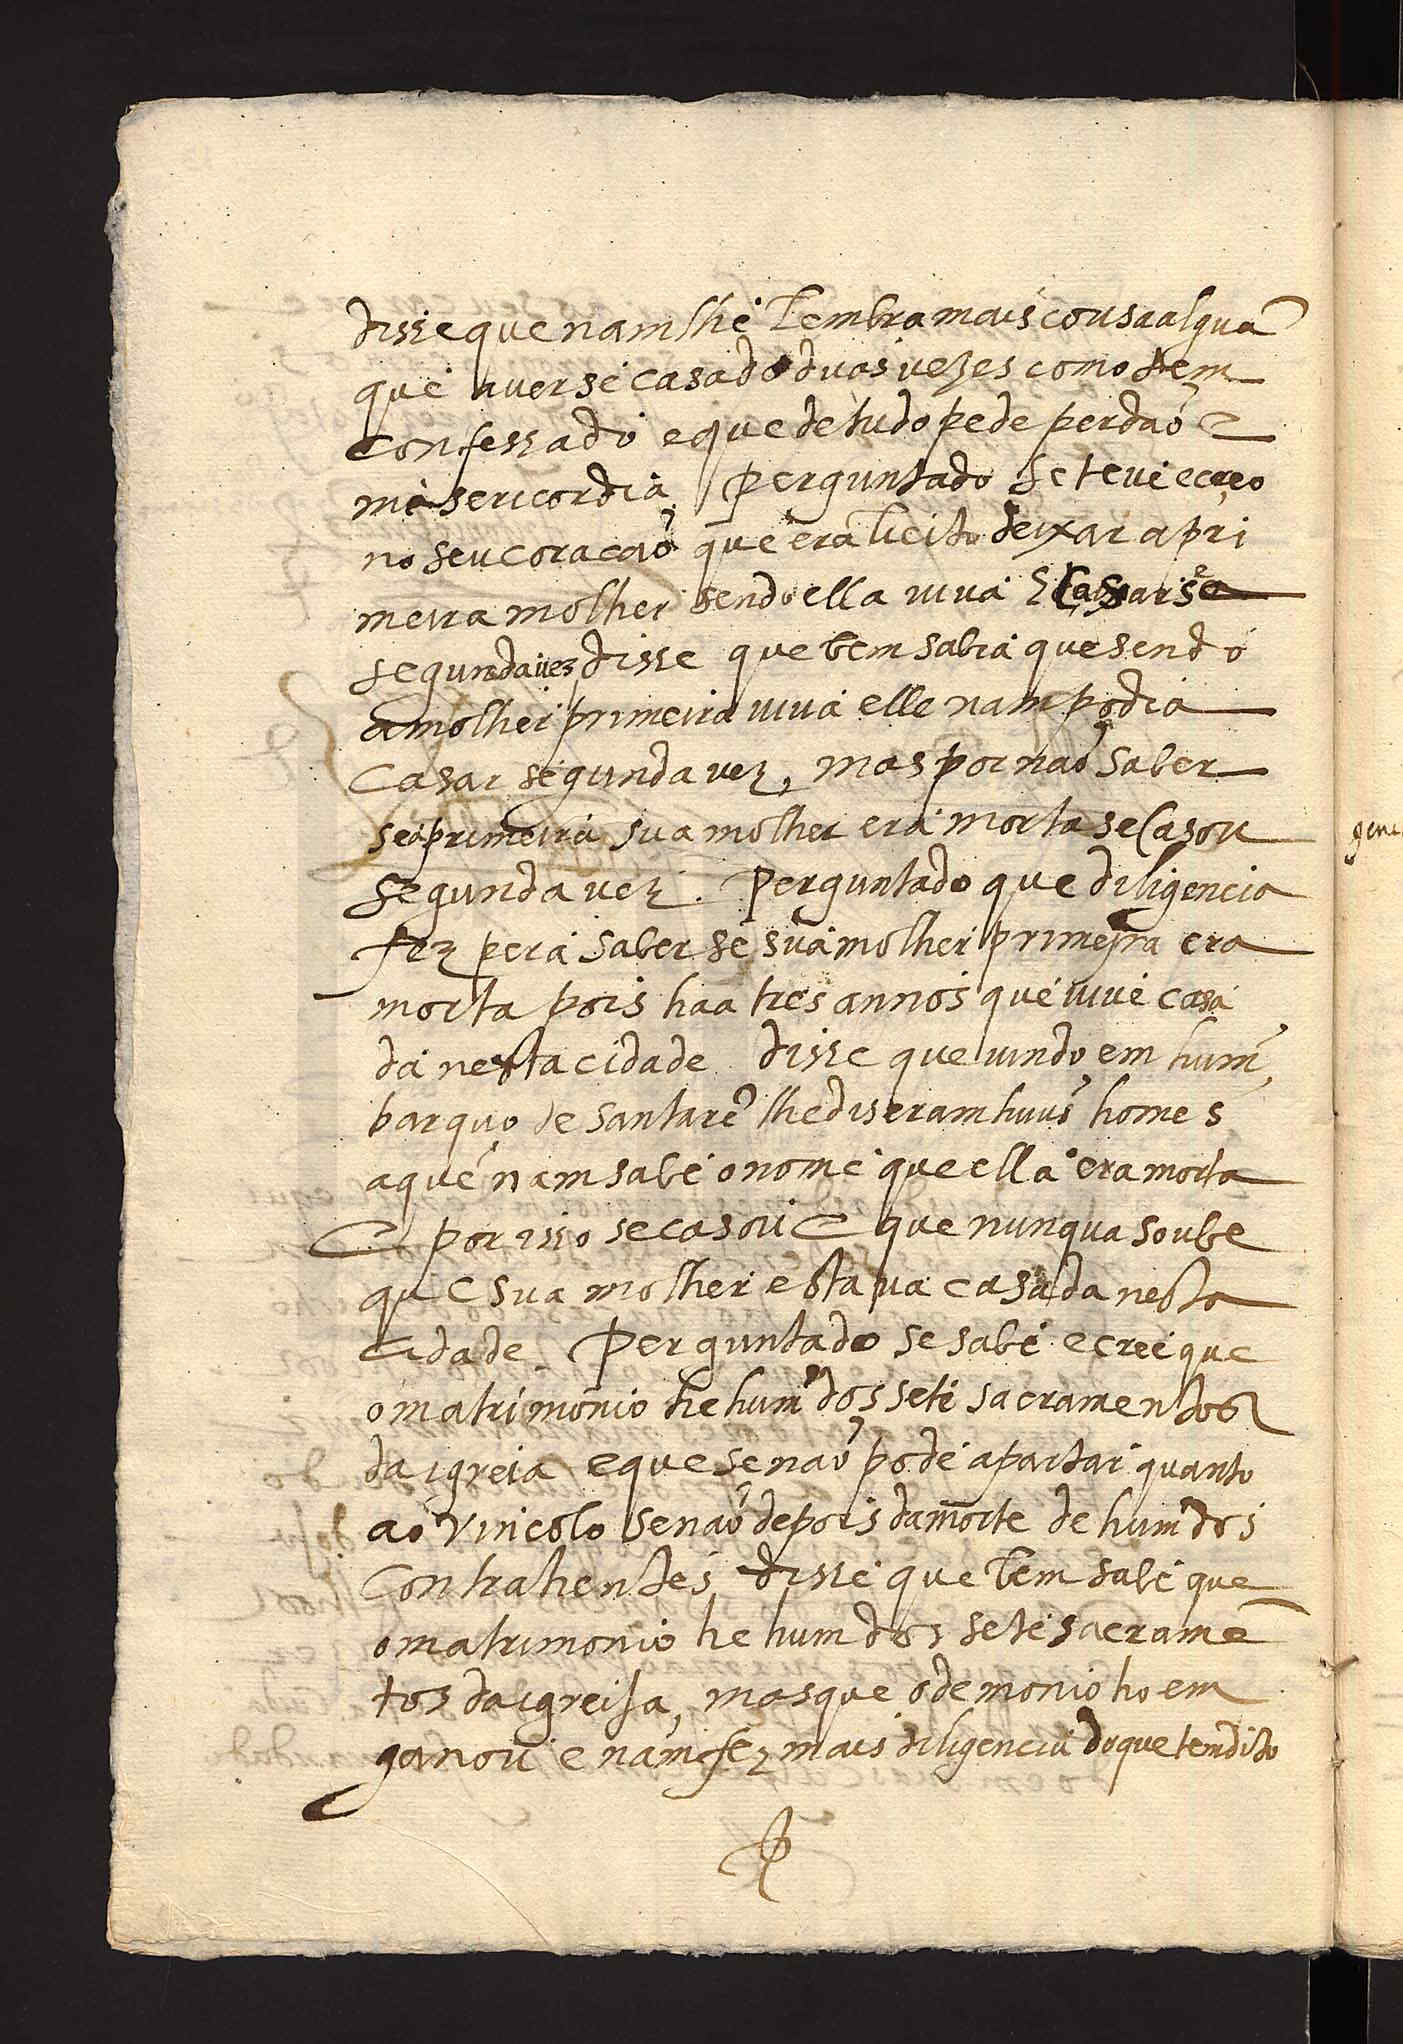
disse que nam lhe Lembra mais cousa alguā
que auerse casado duas uezes como tem
confessado e que de tudo pede perdão e
misericordia / Perguntado se teue e creo
no seu coracaõ que era licito deixar a pri
meira molher sendo ella uiua E casarse a
segunda uez disse que bem sabia que sendo
a mulher primeira uiua elle nam podia
casar segunda uez, mas por naõ saber
se a primeiria sua mulher era morta se Casou
segunda uez. Perguntado que diligencia
fez pera saber se sua molher primejra era
morta pois haa tres annos que uiue casa
da nesta cidade disse que uindo em hum̄,
barquo de santarē lhe diseram huus̄ homes
a quē nem sabe o nome que ella era morta
e por isso se casou e que nunqua soube
que sua molher estaua casada nesta
cidade. Perguntado se sabe e cree que
o matrimonio he hum̄ dos sete sacramentos
da igreia e que se naõ pode apartar quanto
ao vincolo senaõ depois da morte de hum dos
contrahentes disse que bem sabe que
o matrimonio he hum dos sete sacramē
tos da igreJa, mas que o demonio ho em
ganou e nam fez mais diligencia do que tem dito
